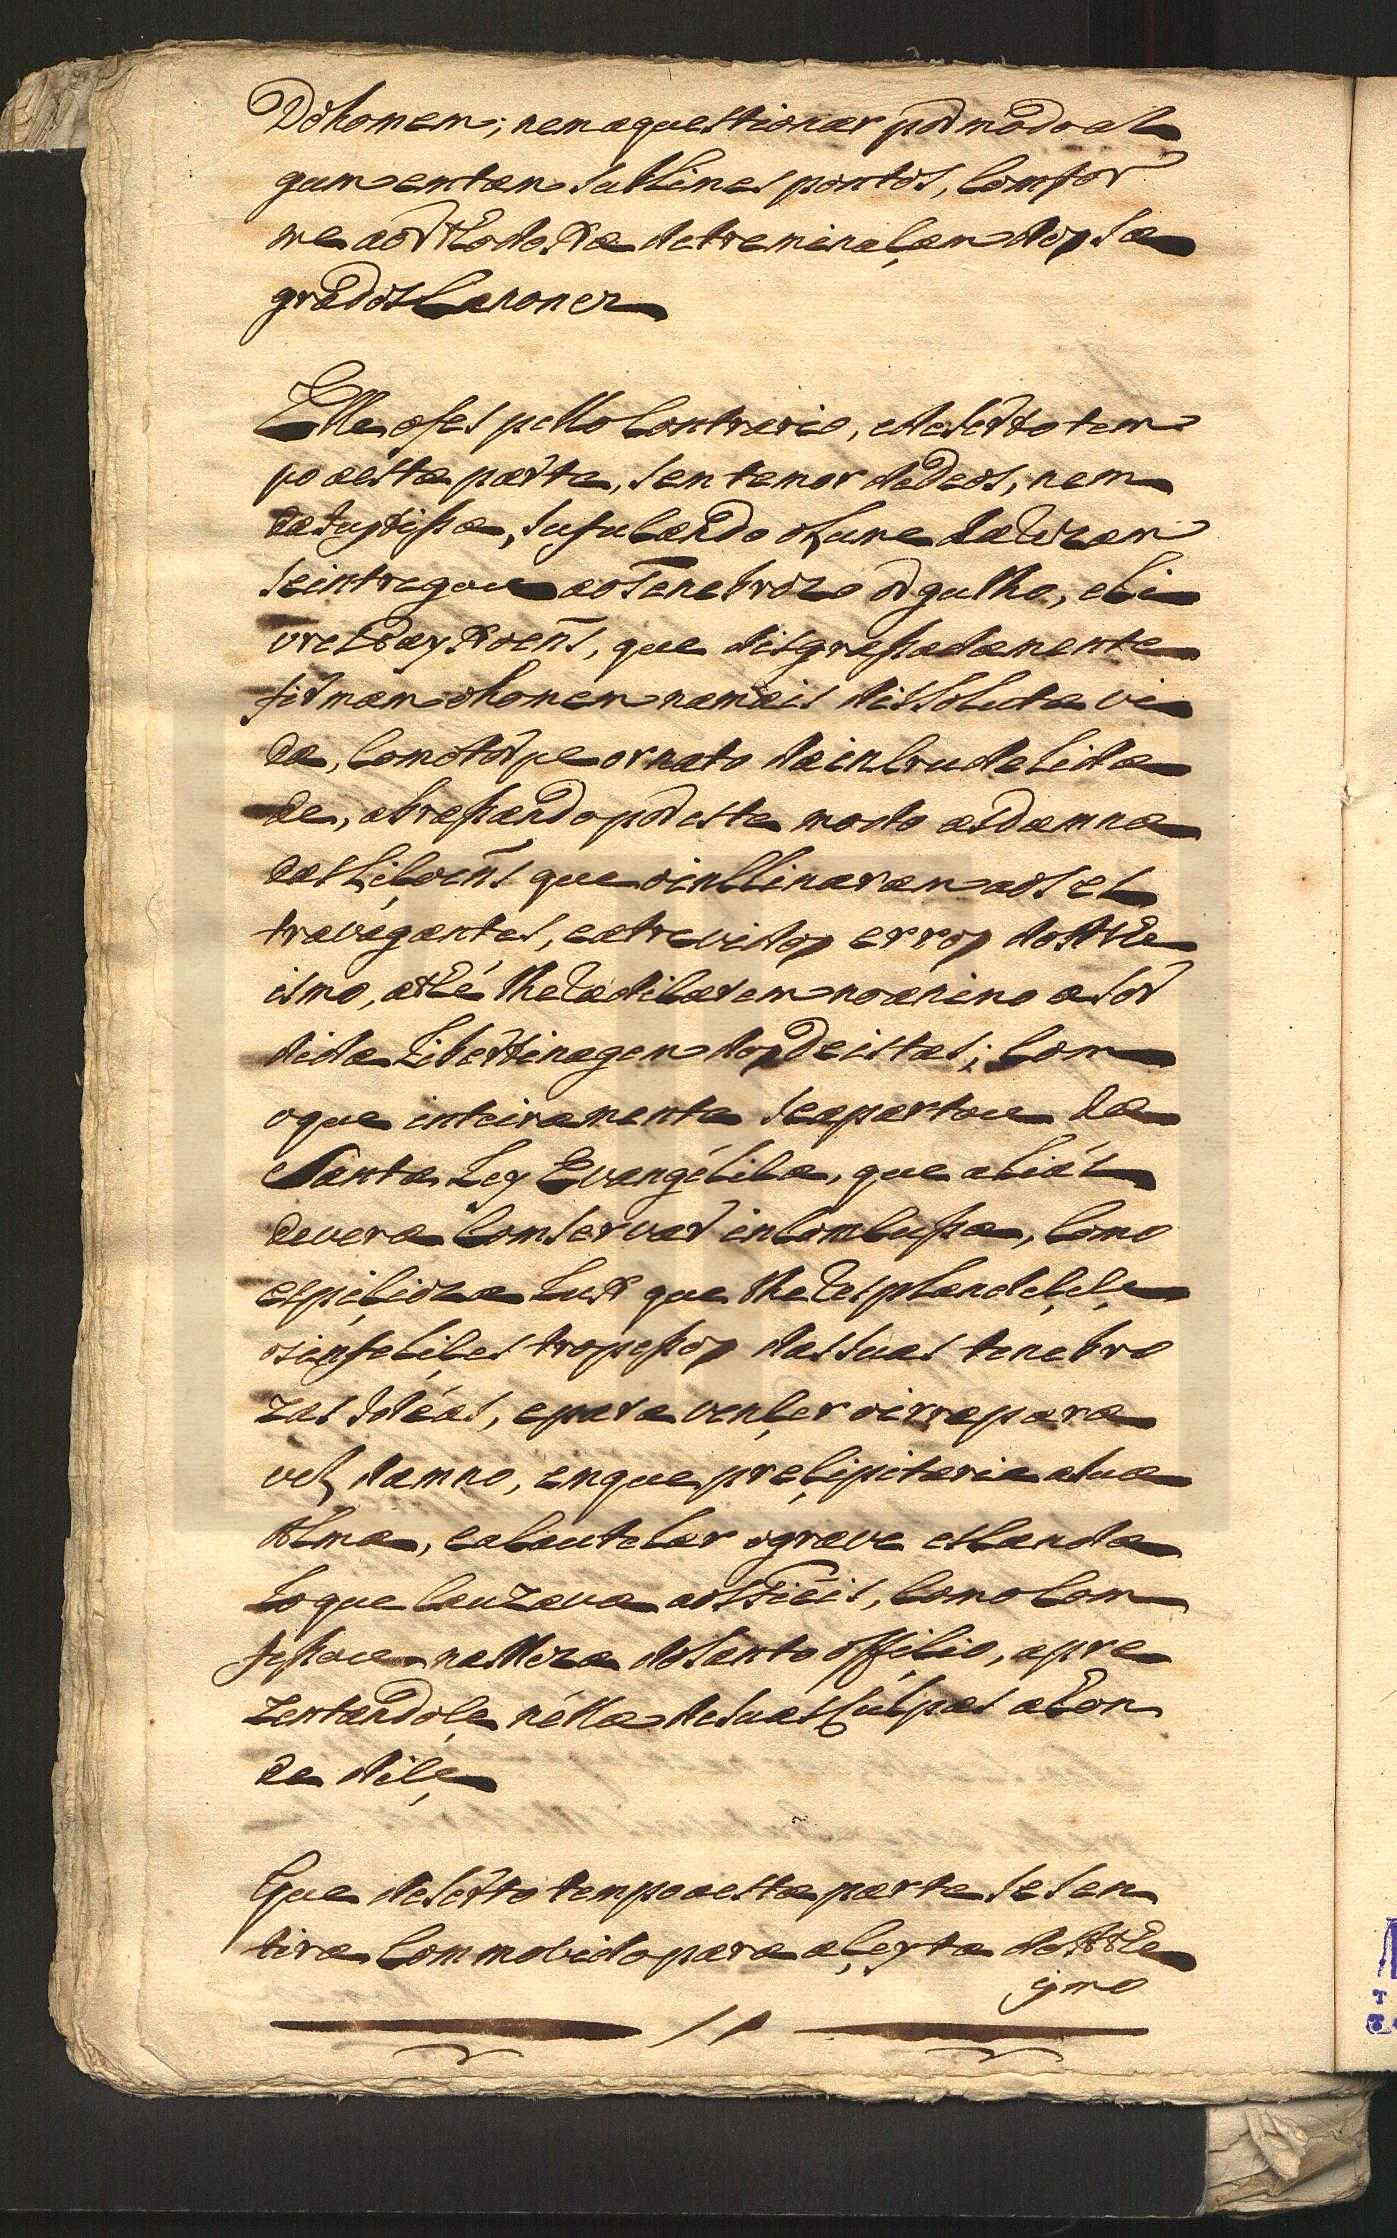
Do homem; nem a questionar por modo al
gum em tam subLimes pontos, Comfor
me a orthodoxa detreminaÇam dos sa
grados Canones
Elle o fes pello Contrario, e de serto tem
po a esta parte, sem temor de Deos, nem
da Iustissa, sufuCando o Lume da Rezam
se intregou ao Tenebrozo orgulho, e li
vre Payxoen̄s, que disgrassadamente
firmam o homem na mais dissoLuta vi
da, Com o torpe ornato da inCrudeLida
de, abrassando por este modo as damna
das LiÇoeñs que o inclinaram aos es
travagantes, e atrevidos erros do athe
ismo, athé lhe RadiCarem no animo a sor
dida Libertinagem dos deistas; Com
o que inteiramente se apartou da
Santa Ley EvangéLiCa, que aliás
devera comservar inComCussa, Como
espiÇioza Lux que lhe ResplandeÇeÇe
os infeLiÇes tropessos das suas tenebro
zas Idéas, e para venÇer o irrepara
vel damno, em que preÇipitaria a sua
Alma, e aCautelar o grave esCanda
lo que Cauzava aos Fiéis, Como Com
fessou na Meza do Santo offiÇio, a pre
zentandoÇe nélla de suas Culpas a hon
de diçe
Que de serto tempo a esta parte se sen
tira Commovido para a Çeyta do Athe
esmo
